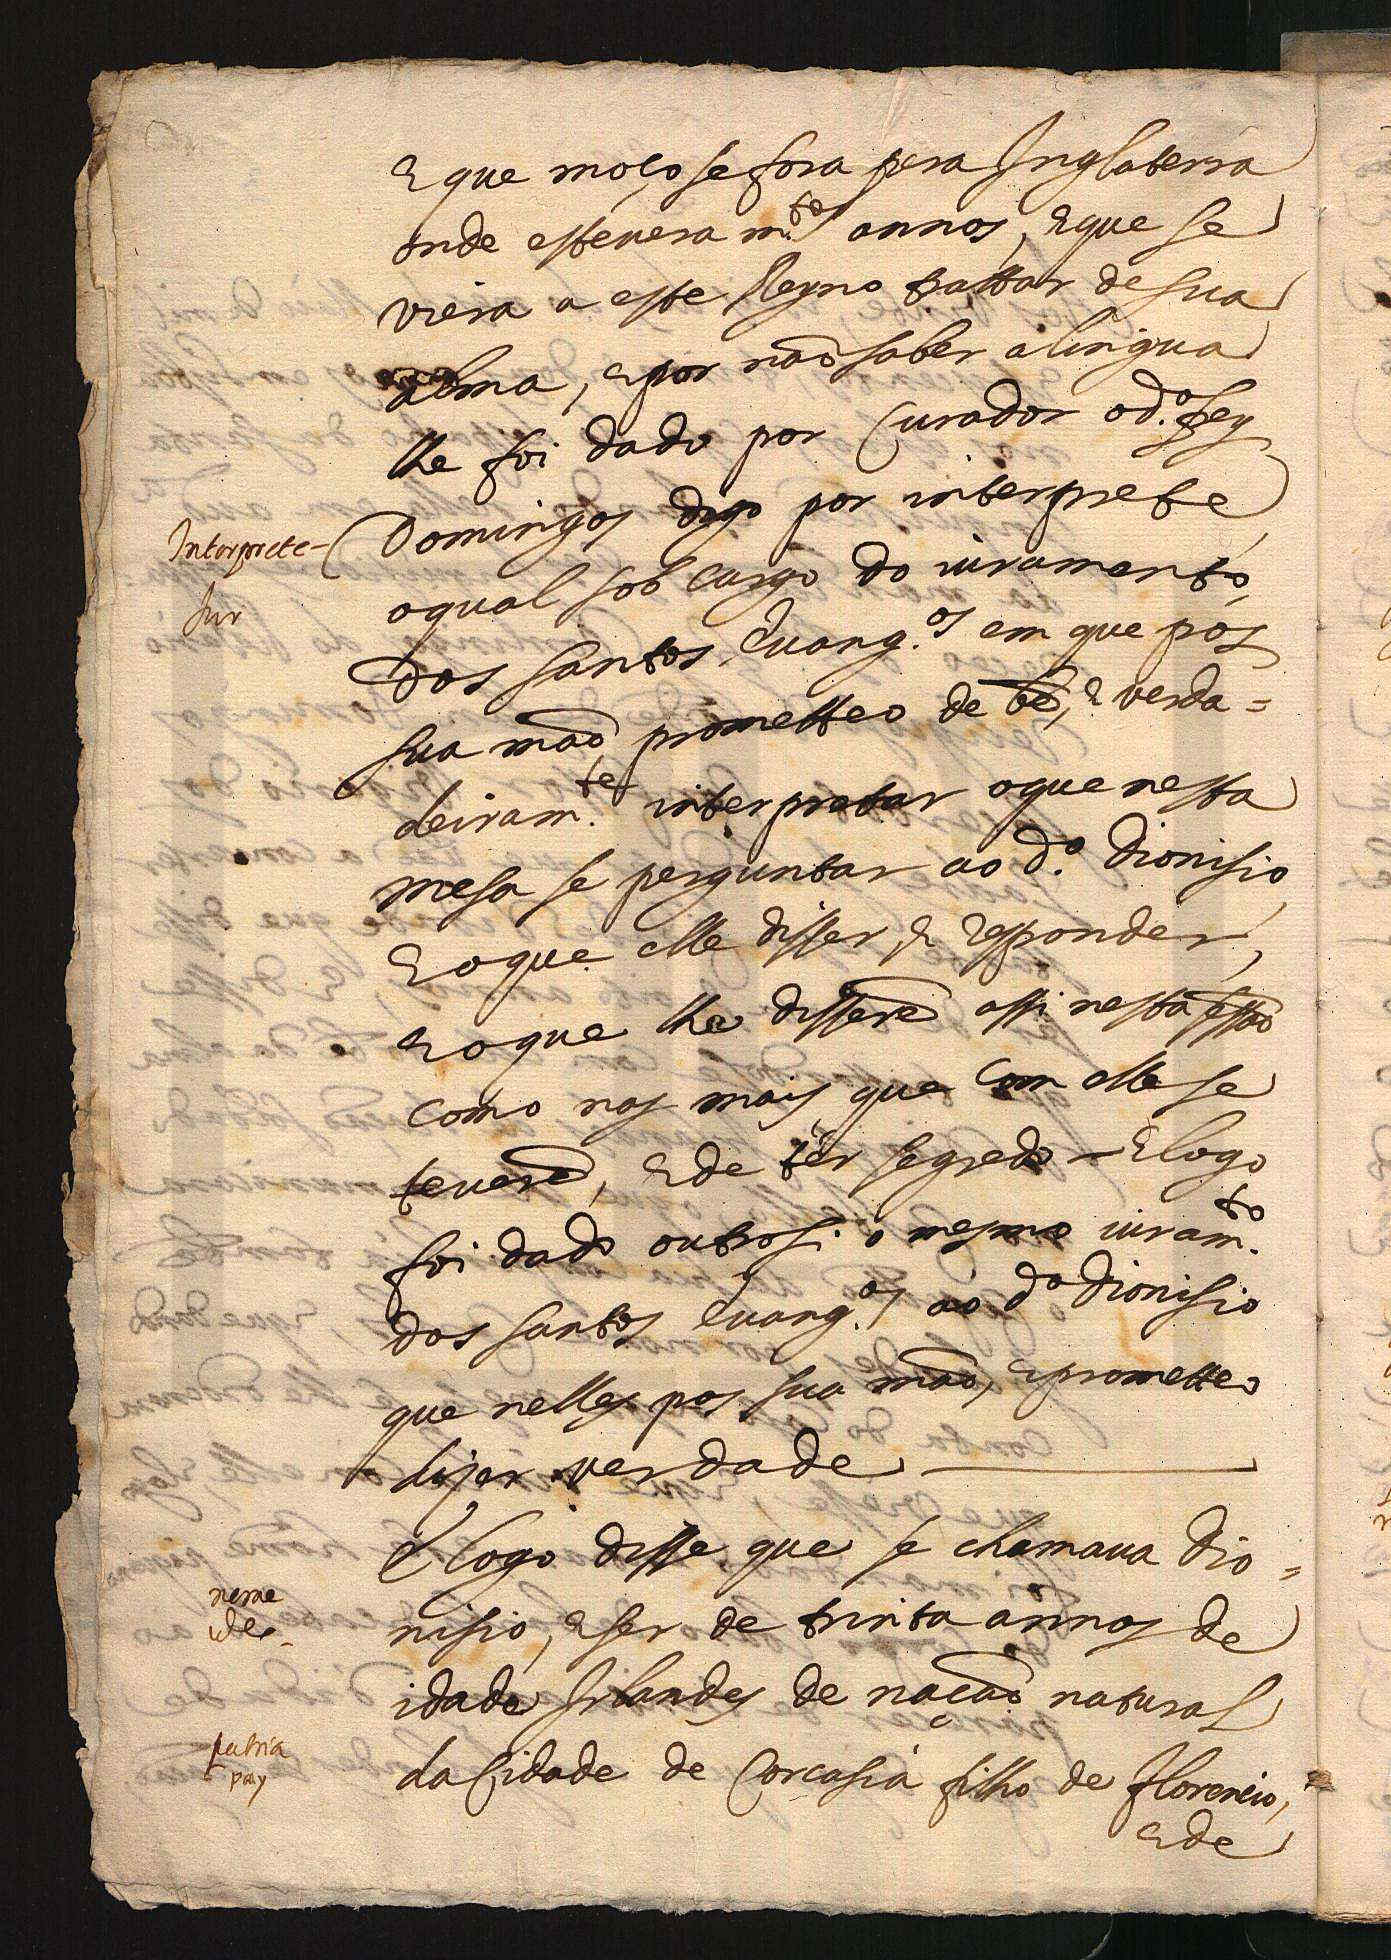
E que moço se fora pera Jnglaterra
onde esteuera m.tos annos, E que se
viera a este Reyno trattar de sua
alma, E por não saber a lingua
lhe foi dado por Curador o d.o frey
Domingos digo por interprete
o qual sob cargo do iuramento,
dos Santos Euang.os em que pos
sua mão prometteo de b̄e, E verda
deiram.te interpretar o que nesta
mesa se perguntar ao d.o Dionisio,
E o que elle disser, E responder,
E o que lhe dis̄sere assi nesta sessão
como nas mais que com elle se
teuer̄e, E de ter segredo — E logo
foi dado outrosi o mesmo iuramto.
dos Santos Euang.os ao d.o Dionisio
que nelles pos sua mão, E prometteo
dizer uerdade
E logo disse que se chamava Dio
nisio, E ser de trinta annos de
idade Jrlandes de nação naturaL
da Cidade de Corcasia filho de florencio,
E de
